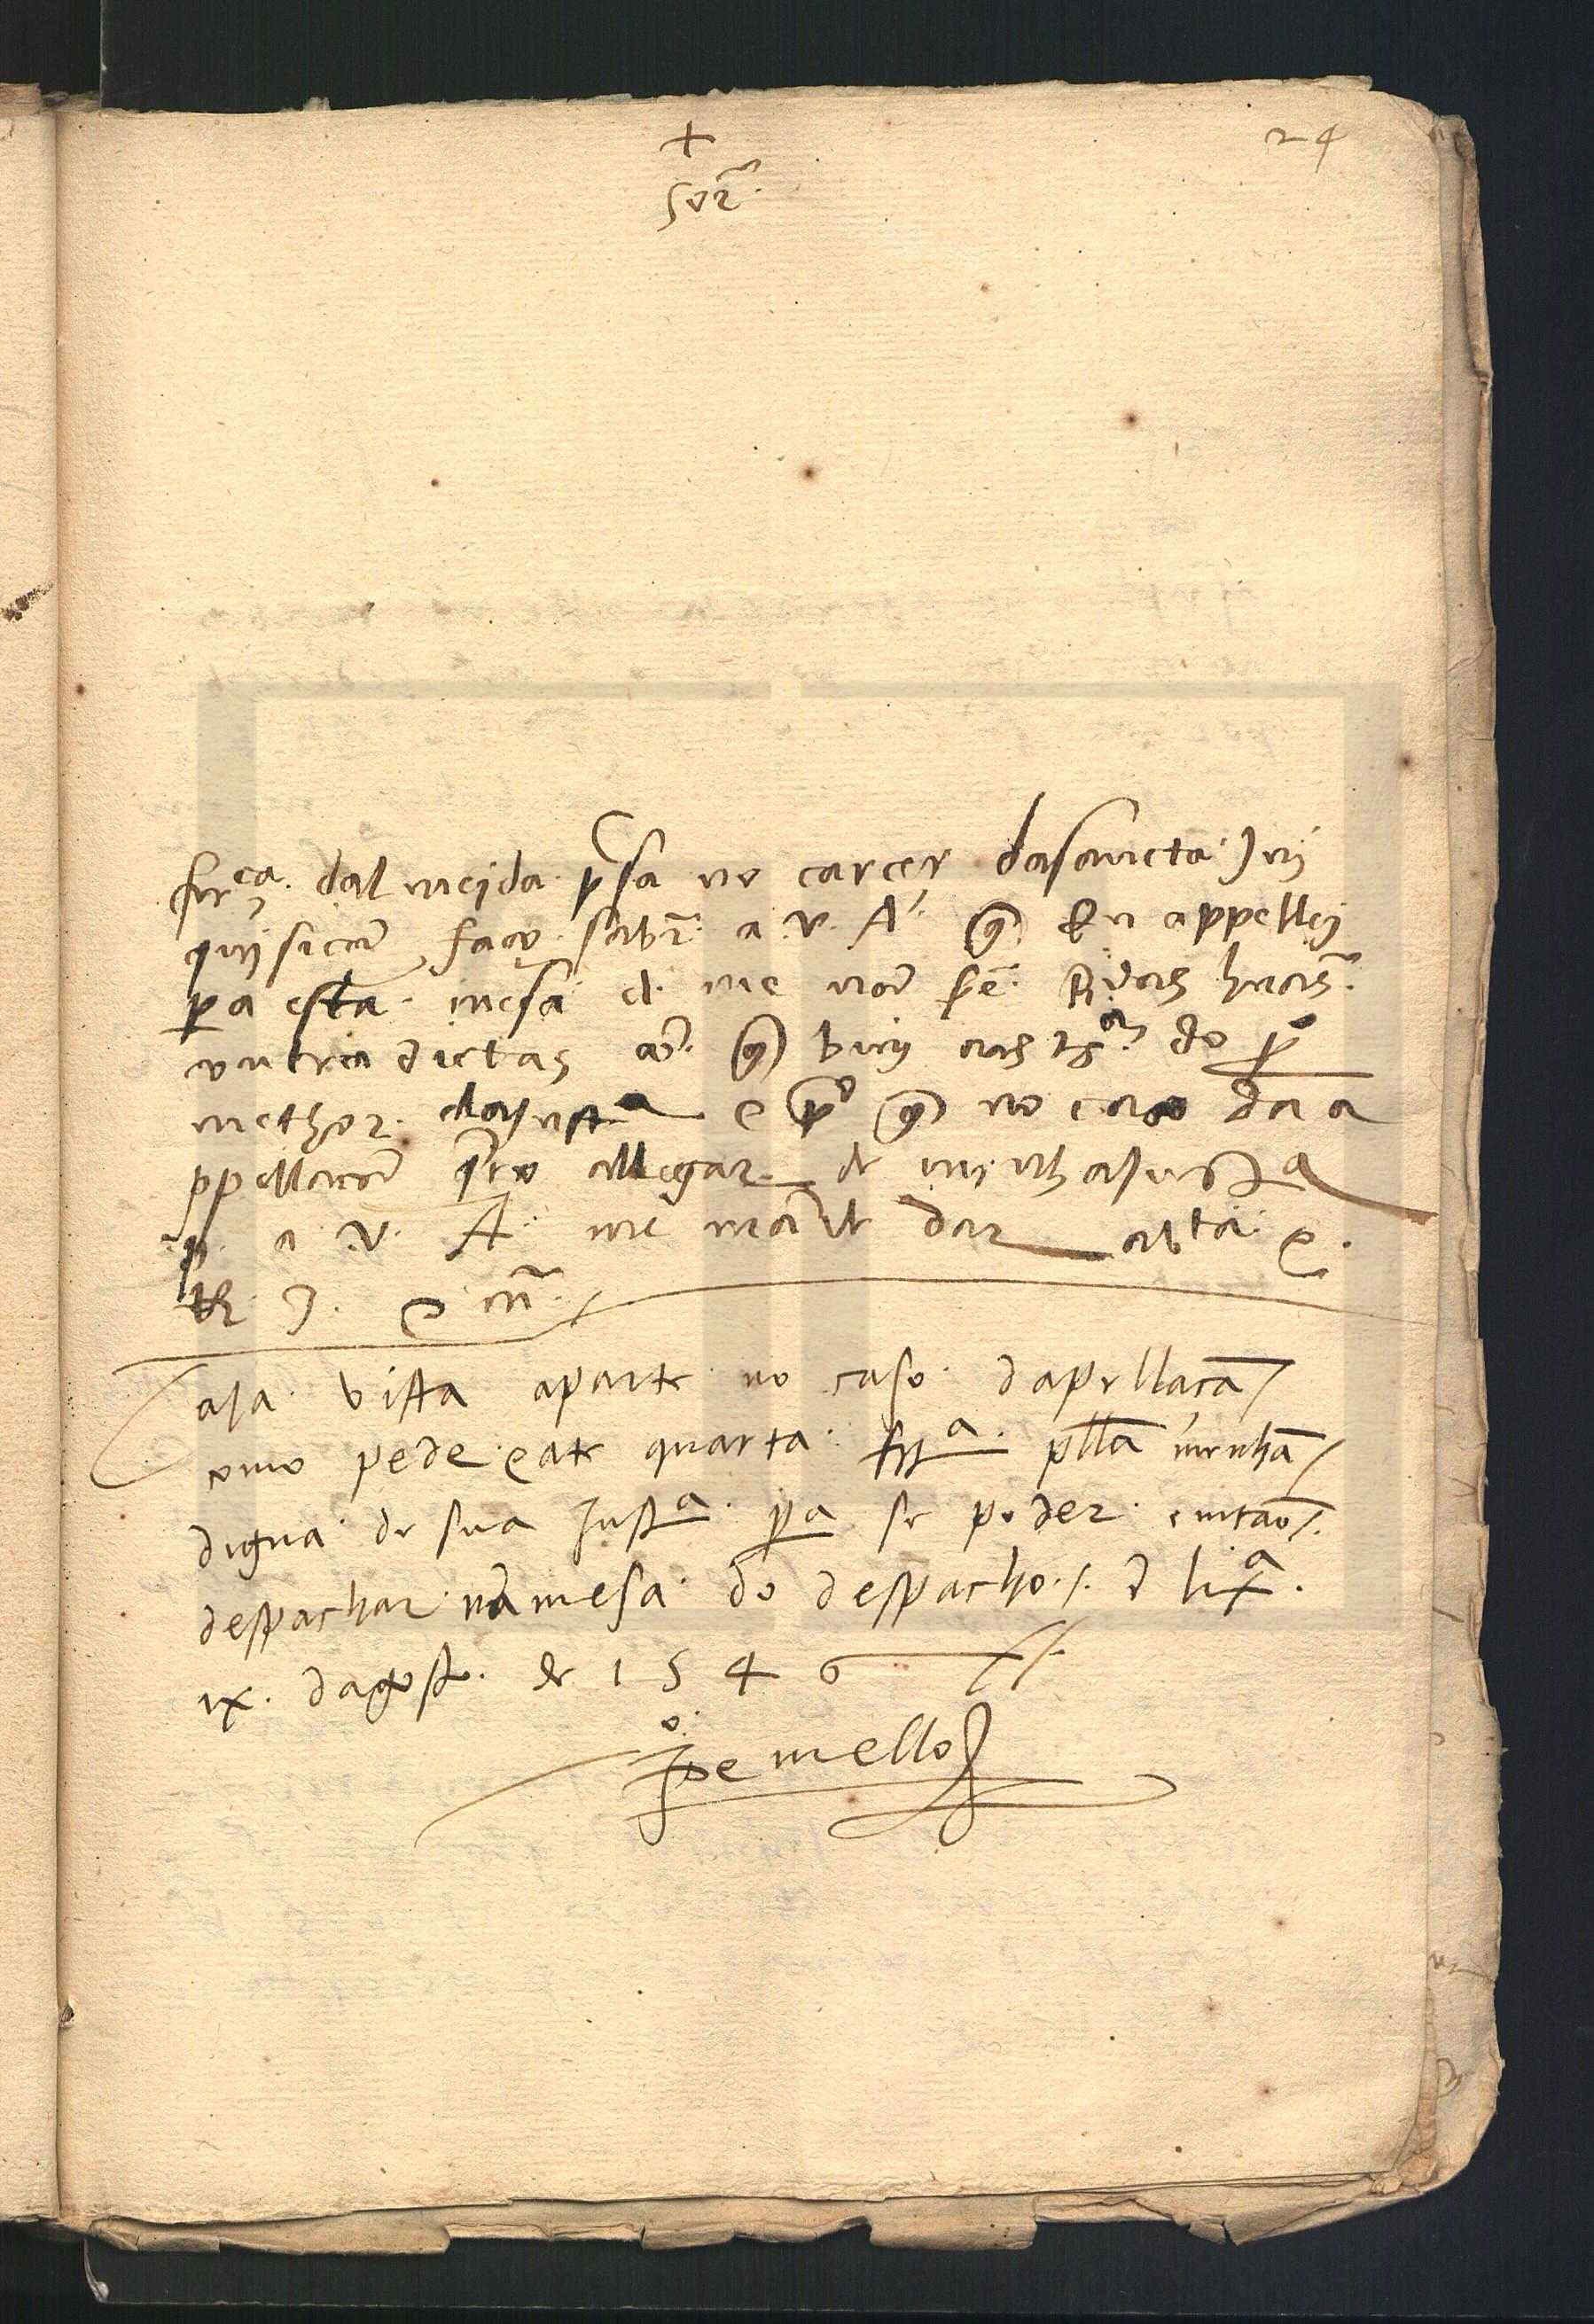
24
Sor̄
frça dalmejda p̄sa no carçer da sancta Jm
qujsiçā faço sabr̄ a .v. A q̄ Eu appellej
ꝑa esta. mesa d. me nā ꞩē. Rdas huas̄
contradictas cō q̄ vim aas tsas do ꝓo
methor. da Justa e p̄oq̄ no caso da a
ppellacā q̄ro allegar de minha Justa
.p. a .V. A me māde dar a vta e
Rꝭ J. e m̄. /
aja vista a parte no caso dapellaçā /
como pede e ate quarta frra p̄lla menhā /
digua de sua Justa ꝑa se poder então /.
despachar na mesa do despacho ./. ē lixa
ix. dagosto. de 1546
Jo de mello
